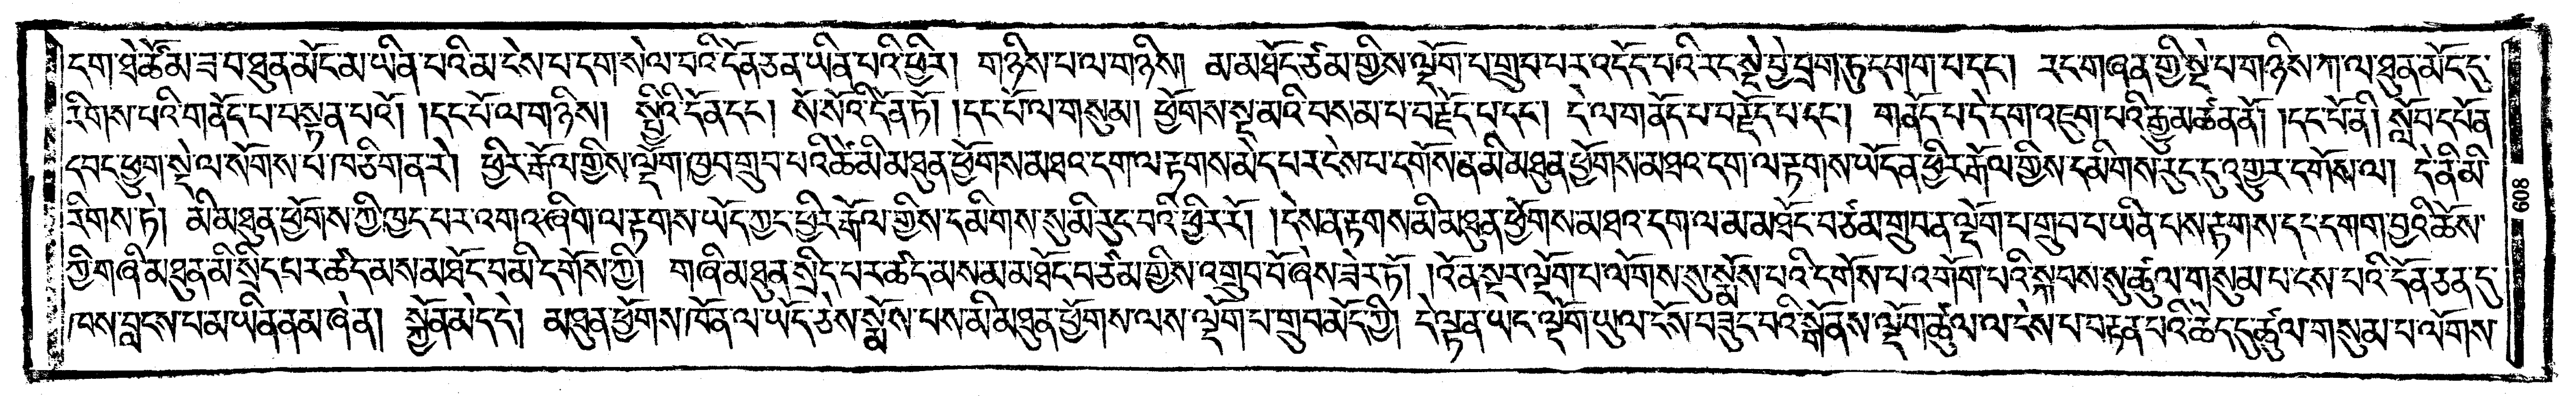དག་ཐེ་ཚོམ་ཟ་བ་ཐུན་མོང་མ་ཡིན་པའི་མ་ངེས་པ་དག་སེལ་བའི་དོན་ཅན་ཡིན་པའི་ཕྱིར། གཉིས་པ་ལ་གཉིས། མ་མཐོང་ཙམ་གྱིས་ལྡོག་པ་གྲུབ་པར་འདོད་པའི་རང་སྡེ་བྱེ་བྲག་ཏུ་དགག་པ་དང་། རང་གཞན་གྱི་སྡེ་པ་གཉིས་ཀ་ལ་ཐུན་མོང་དུ་
རིགས་པའི་གནོད་པ་བསྟན་པའོ། །དང་པོ་ལ་གཉིས། སྤྱིའི་དོན་དང་། སོ་སོའི་དོན་ཏོ། །དང་པོ་ལ་གསུམ། ཕྱོགས་སྔ་མའི་བསམ་པ་བརྗོད་པ་དང་། དེ་ལ་གནོད་པ་བརྗོད་པ་དང་། གནོད་པ་དེ་དག་འཇུག་པའི་རྒྱུ་མཚན་ནོ། །དང་པོ་ནི། སློབ་དཔོན་
དབང་ཕྱུག་སྡེ་ལ་སོགས་པ་ཁ་ཅིག་ན་རེ། ཕྱིར་རྒོལ་གྱིས་ལྡོག་ཁྱབ་གྲུབ་པའི་ཚེ་མི་མཐུན་ཕྱོགས་མཐའ་དག་ལ་རྟགས་མེད་པར་ངེས་པ་དགོས་ན་མི་མཐུན་ཕྱོགས་མཐའ་དག་ལ་རྟགས་ཡོད་ན་ཕྱིར་རྒོལ་གྱིས་དམིགས་རུང་དུ་འགྱུར་དགོས་ལ། དེ་ནི་མི་
རིགས་ཏེ། མི་མཐུན་ཕྱོགས་ཀྱི་ཁྱད་པར་འགའ་ཞིག་ལ་རྟགས་ཡོད་ཀྱང་ཕྱིར་རྒོལ་གྱིས་དམིགས་སུ་མི་རུང་བའི་ཕྱིར་རོ། །དེས་ན་རྟགས་མི་མཐུན་ཕྱོགས་མཐའ་དག་ལ་མ་མཐོང་བ་ཙམ་གྲུབ་ན་ལྡོག་པ་གྲུབ་པ་ཡིན་པས་རྟགས་དང་དགག་བྱའི་ཆོས་
ཀྱི་གཞི་མཐུན་མི་སྲིད་པར་ཚད་མས་མཐོང་བ་མི་དགོས་ཀྱི། གཞི་མཐུན་སྲིད་པར་ཚད་མས་མ་མཐོང་བ་ཙམ་གྱིས་འགྲུབ་བོ་ཞེས་ཟེར་ཏོ། །འོ་ན་སྔར་ལྡོག་པ་ལོགས་སུ་སྨོས་པའི་དགོས་པ་འགོག་པའི་སྐབས་སུ་ཚུལ་གསུམ་པ་ངས་པའི་དོན་ཅན་དུ་
ཁས་བླངས་པ་མ་ཡིན་ནམ་ཞེ་ན། སྐྱོན་མེད་དེ། མཐུན་ཕྱོགས་ཁོ་ན་ལ་ཡོད་ཅེས་སྨོས་པས་མི་མཐུན་ཕྱོགས་ལས་ལྡོག་པ་གྲུབ་མོད་ཀྱི། དེ་ལྟ་ན་ཡང་ལྡོག་ཡུལ་ངོས་བཟུང་བའི་སྒོ་ནས་ལྡོག་ཚུལ་ལ་ངེས་པ་བརྟན་པའི་ཆེད་དུ་ཚུལ་གསུམ་པ་ལོགས་